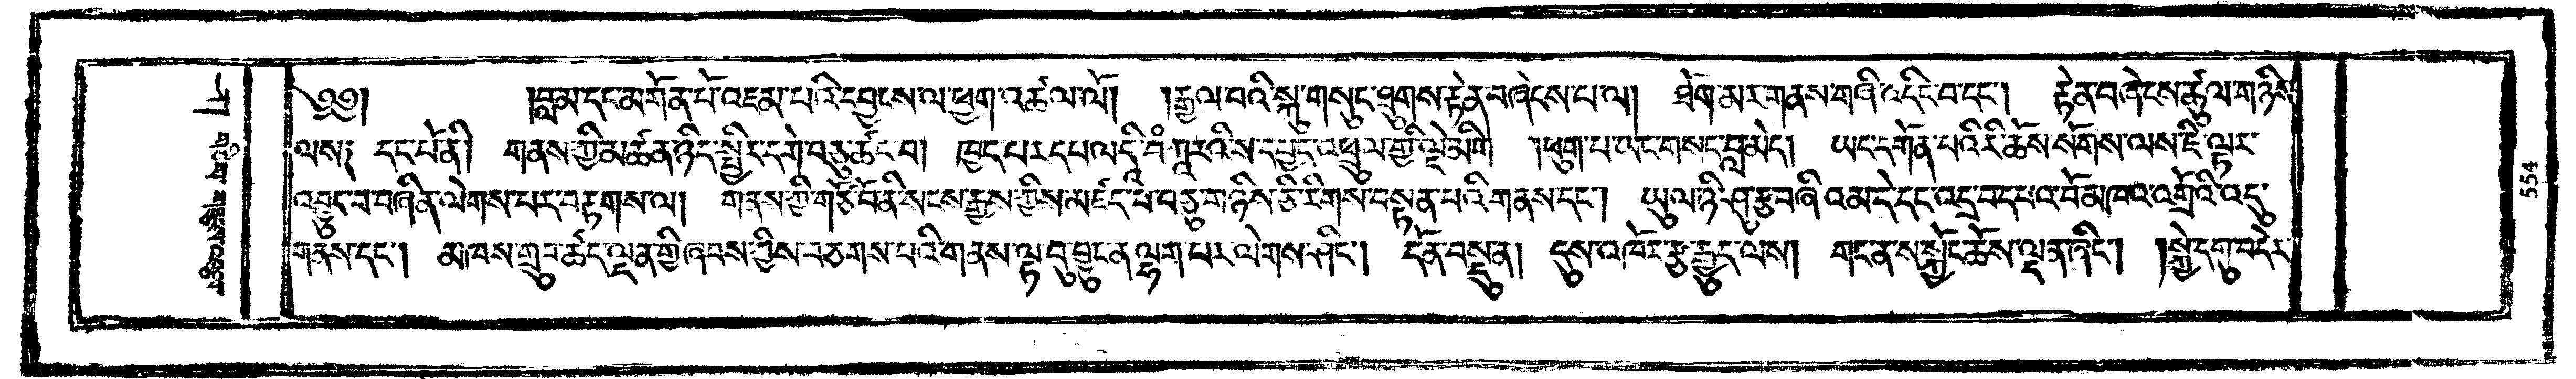༄༅། །བླ་མ་དང་མགོན་པོ་འཇམ་པའི་དབྱངས་ལ་ཕྱག་འཚལ་ལོ། །རྒྱལ་བའི་སྐུ་གསུང་ཐུགས་རྟེན་བཞེངས་པ་ལ། ཐོག་མར་གནས་གཞི་འདིང་བ་དང་། རྟེན་བཞེངས་ཚུལ་གཉིས་
ལས། དང་པོ་ནི། གནས་ཀྱི་མཚན་ཉིད་སྤྱིར་དགེ་བཅུ་ཚང་བ། ཁྱད་པར་དཔལ་དཱི་བཾ་ཀཱརའི་ས་དཔྱད་འཕྲུལ་གྱི་ལྡེ་མིག །ཕུག་པ་ཡང་གསང་བླ་མེད། ཡང་དགོན་པའི་རི་ཆོས་སོགས་ལས་ཇི་ལྟར་
འབྱུང་བ་བཞིན་ལེགས་པར་བརྟགས་ལ། གནས་ཀྱི་གཙོ་བོ་ནི་སངས་རྒྱས་ཀྱིས་མཛད་པ་བཅུ་གཉིས་ཅི་རིགས་བསྟན་པའི་གནས་དང་། ཡུལ་ཉི་ཤུ་རྩ་བཞིའམ་དེ་དང་འདྲ་བ་དཔའ་བོ་མཁའ་འགྲོའི་འདུ་
གནས་དང་། མཁས་གྲུབ་ཚད་ལྡན་གྱི་ཞབས་ཀྱིས་བཅགས་པའི་གནས་ལྟ་བུ་བྱུང་ན་ལྷག་པར་ལེགས་ཤིང་། དོན་བསྡུན། དུས་འཁོར་རྩ་རྒྱུད་ལས། གང་ནས་སྐྱོང་ཆོས་ལྡན་ཞིང་། །སྐྱེ་དབུ་བདེར་